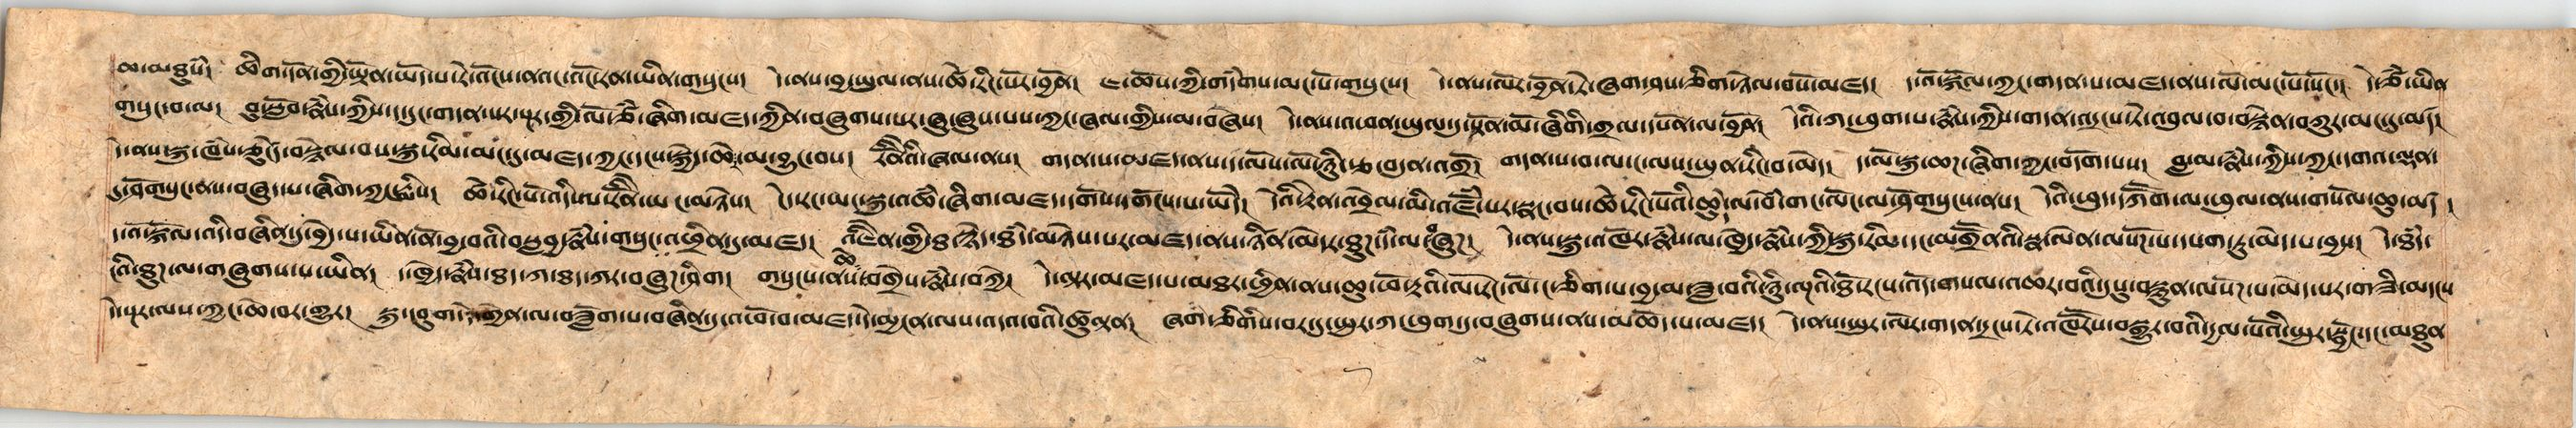ཆ་མཐུསཾ། ཚིག་དོན་གྱི་ཡྟོན་ཡོད་པ་རེ་འོངས་ནའང་འོང་རན་ཡིན་གསུངས་། དེ་ནས་བྱ་ཡུལ་ནས་ཚེ་རིང་པོར་བྱོན། ཇ་ཆོས་ཀྱི་གདཾགས་མང་པོ་གསུངས། དེ་ནས་ལོར་བྱོན་ཏེ་ཞག་ཤས་ཅིག་ཉེལ་བསོ་མཛད། ད་འོ་སྐོལ་ཀྱང་གདན་ས་མཛད་ནས་ལོ་མང་པོ་སོང་། དེ་ཙཾ་ཡིན
གསུང་བ་ལ། བུ་སློབ་རྣཾས་ཀྱིས་ད་དུང་གདན་སར་སྔར་གྱི་ལོ་ཙཾ་ཞིག་མཛད་ཀྱིན་བཞུགས་པར་ཞུ་ཞུས་པས་ཀྱང་ཞལ་གྱིས་མ་བཞེས། དེ་ནས་འཕན་ཡུལ་དུ་སྟོན་མོ་ཞིགི་གྲལ་དཔོན་ལ་བྱོན། དེའི་ཀ་ཕུག་པ་རྣཾས་ཀྱིས་གདན་འདྲངས་ཏེ་འབུལ་བ་བསྙེན་བཀུར་མང་དུ་མཛད།
དེ་ནས་སྐུ་ཁཾས་ཅུངཟེད་བསྙེལ་བས་སྐུ་རིམ་མང་དུ་མཛད་ཀྱང་དངས་སྐྱེད་ཆེར་མ་བྱུང་བས། རིནོེའི་ཞལ་ནས། གདན་ས་མཛད་ནས་ད་ལོས་ལོ་ཉིུརྩ་བདུན་འགྲོ། གདན་ས་བ་ལ་ང་ལས་ཡུན་རིང་བ་མེད། ད་ལོ་སྐུ་ཆཌ་ཞིག་ཀྱང་བདོག་པས། བླ་མ་རྣཾས་ཀྱིས་ཀྱང་དགའ་ལྡན་
དུ་ཤོགསུང་ནས་བཞུད་པ་ཞིག་ཀྱང་རྨིས། ཚེ་རིང་པོ་འདི་ལ་རིནོེ་ཡང་མཉེས། ངེད་རང་ཡང་སྐུ་འཚཾ་ཞིག་མཛད་དགོས་དགོངས་པ་ཡོདེ། དེའི་རྟེན་འབྲེལ་མི་འཛོཾ་པར་སྣང་བས་ཚེ་རིང་པོའི་ཆེུད་ལ་བེཾ་གང་ལོང་ལ་ཤོགསུངས་ནས། དེའི་ཕུད་དཀཽག་ལ་ཕུལ་ནས་གསོལ་ཆུ་མཛད།
ད་འོ་སྐོལ་འདི་བཞིན་དུ་བྱེད་པ་ཡིན་ནོ་བྱ་བའི་བསླབྱ་རྣཾས་གསུང་འཕྲིན་དུ་མཛད། འཇིནེ་གྱི་ཐ་སྙེད་ཐཾད་མཉེས་པར་མཛད་ནས་ཉིཚན་མེདར་ཐུཌ་དཾ་ལ་བཞུཌ། དེ་ནས་སྐུ་འཁོར་རྣཾས་ལ་ཁྱེད་རྣཾས་ཀྱི་སྐུ་རིམ་དང་མགྲཽནའི་སྣ་ལེན་ལསོཌ་པ་དཔག་ཏུ་མེད་པ་བྱས། དེ་ཐཾད་
ངའི་ཐུཌ་ལ་གཞུགས་པ་ཡིན། ད་ཁྱེད་རྣཾས་ཐད་ཀ་ཐད་ཀར་བཞུཌ་ཤིག། གསུངས་ནས་བགྲེས་རྣཾས་བཀྱེ། དེ་ལྟར་མཛད་པ་མཐར་ཕྱིན་ནས་ཆུ་ཕོ་རྟའི་ལོ་རང་ལོ་ང་ཅིག་པ་བྱ་མ་ཟླ་བའི་ཉིུ་ལྔའི་ཐོ་རངས་འོད་གསལ་འཆར་བའི་དུསུ་བསྙུན་ལསོཌ་པ་མེད་པར་གཟི་མདངས
དེ་སྔར་ལས་ཀྱང་ཆེ་བར་གྱུར། སྐུ་དབུག་དེ་གྱོན་ལ་བཟློག་པ་བཞིན་དུ་འཕོ་བ་མཛད་དེ་མྱངན་ལས་འདའ་བའི་ཚུལྟན། ཞག་ཅིགིས་བར་དུ་སྤུར་ཀ་ཕུག་དུ་བཞུགས་ནས་མཆོད་པ་མཛད། དེ་ནས་སྤུར་ལོར་གདན་དྲངས་ཏེ་འཁཽརས་བསྒྱུར་བའི་དྱལ་པོའི་སྤུར་སྦྱོང་དང་མཐུན